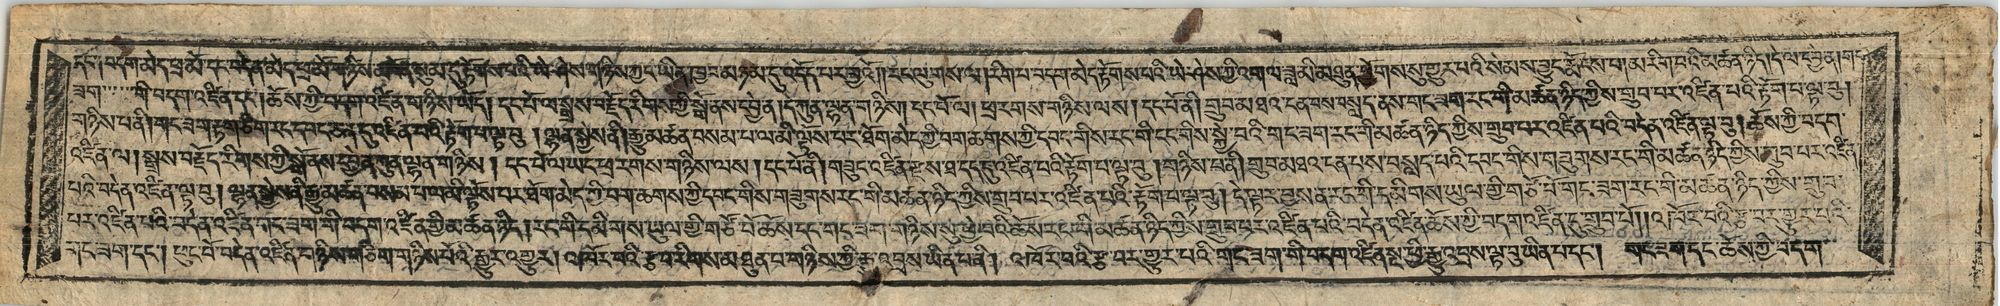དང་། བདག་མེད་ཕྲ་མོ་དང་བདེན་མེད་ཕྲ་མོ་གཉིས་མངོན་སུམ་དུ་རྟོགས་པའི་ཡེ་ཤེས་གཉིས་ཀྱང་ཡིན་ཁྱབ་མཉམ་དུ་འདོད་པར་བྱའོ། །རང་ལུགས་ལ། རིག་པ་བདག་མེད་རྟོགས་པའི་ཡེ་ཤེས་ཀྱི་འགལ་ཟླ་མི་མཐུན་ཕྱོགས་སུ་གྱུར་པའི་སེམས་བྱུང་རྨོངས་པ། མ་རིག་པའི་མཚན་ཉིད། དེ་ལ་དབྱེ་ན། གང་
ཟག་གི་བདག་འཛིན་དང་། ཆོས་ཀྱི་བདག་འཛིན་གཉིས་ཡོད། དང་པོ་ལ་སྒྲས་བརྗོད་རིགས་ཀྱི་སོག་ནས་དབྱེ་ན། དེ་ཀུན་ལྷན་གཉིས། དང་པོ་ལ། ཕྲ་རགས་གཉིས་ལས། དང་པོ་ནི། གྲུབ་མཐའ་ངན་པས་བསླད་ནས་གང་ཟག་རང་གི་མཚན་ཉིད་ཀྱིས་གྲུབ་པར་འཛིན་པའི་རྟོག་པ་ལྟ་བུ།
གཉིས་པ་ནི། གང་ཟག་རྟག་ཅིག་རང་དབང་ཅན་དུ་འཛིན་པའི་རྟོག་པ་ལྟ་བུ། ལྷན་སྐྱེས་ནི་རྒྱུ་མཚན་བསམ་པ་ལ་མི་ལྟོས་པར་ཐོག་མེད་ཀྱི་བག་ཆགས་ཀྱི་དབང་གིས་རང་གི་ངང་གིས་སྐྱེ་བའི་གང་ཟག་རང་གི་མཚན་ཉིད་ཀྱིས་གྲུབ་པར་འཛིན་པའི་བདེན་འཛིན་ལྟ་བུ། ཆོས་ཀྱི་བདག་
འཛིན་ལ། སྒྲས་བརྗོད་རིགས་ཀྱི་སྒོ་ནས་དབྱེ་ན་ཀུན་ལྷན་གཉིས། དང་པོ་ལ་ཡང་ཕྲ་རགས་གཉིས་ལས། དང་པོ་ནི། གཟུང་འཛིན་རྫས་ཐ་དད་དུ་འཛིན་པའི་རྟོག་པ་ལྟ་བུ། གཉིས་པ་ནི། གྲུབ་མཐའ་ངན་པས་བསླད་པའི་དབང་གིས་གཟུགས་རང་གི་མཚན་ཉིད་ཀྱིས་གྲུབ་པར་འཛིན་
པའི་བདེན་འཛིན་ལྟ་བུ། ལྷན་སྐྱེས་ནི་རྒྱུ་མཚན་བསམ་པ་ལ་མི་ལྟོས་པར་ཐོག་མེད་ཀྱི་བག་ཆགས་ཀྱི་དབང་གིས་གཟུགས་རང་གི་མཚན་ཉིད་ཀྱིས་གྲུབ་པར་འཛིན་པའི་རྟོག་པ་ལྟ་བུ། དེ་ལྟར་བྱས་ན་རང་གི་དམིགས་ཡུལ་གྱི་གཙོ་བོ་གང་ཟག་རང་གི་མཚན་ཉིད་ཀྱིས་གྲུབ་
པར་འཛིན་པའི་བདེན་འཛིན་གང་ཟག་གི་བདག་འཛིན་གྱི་མཚན་ཉིད། རང་གི་དམིགས་ཡུལ་གྱི་གཙོ་བོ་ཆོས་དང་གང་ཟག་གཉིས་སུ་ཕྱེ་བའི་ཆོས་རང་གི་མཚན་ཉིད་ཀྱིས་གྲུབ་པར་འཛིན་པའི་བདེན་འཛིན་ཆོས་ཀྱི་བདག་འཛིན་དུ་གྲུབ་བོ། །འཁོར་བའི་རྩ་བར་གྱུར་པའི་
གང་ཟག་དང་། ཕུང་པོ་བདེན་འཛིན་གཉིས་གཅིག་གཉིས་པོའི་རྒྱུར་འགྱུར། འཁོར་བའི་རྩ་བ་རིགས་མཐུན་པ་གཉིས་ཀྱིས་ཀྱི་རྒྱུ་འབྲས་ཡིན་པ་ནི། འཁོར་བའི་རྩ་བར་གྱུར་པའི་གང་ཟག་གི་བདག་འཛིན་སྔ་ཕྱི་རྒྱུ་འབྲས་ལྟ་བུ་ཡིན་པ་དང་། གང་ཟག་དང་ཆོས་ཀྱི་བདག་